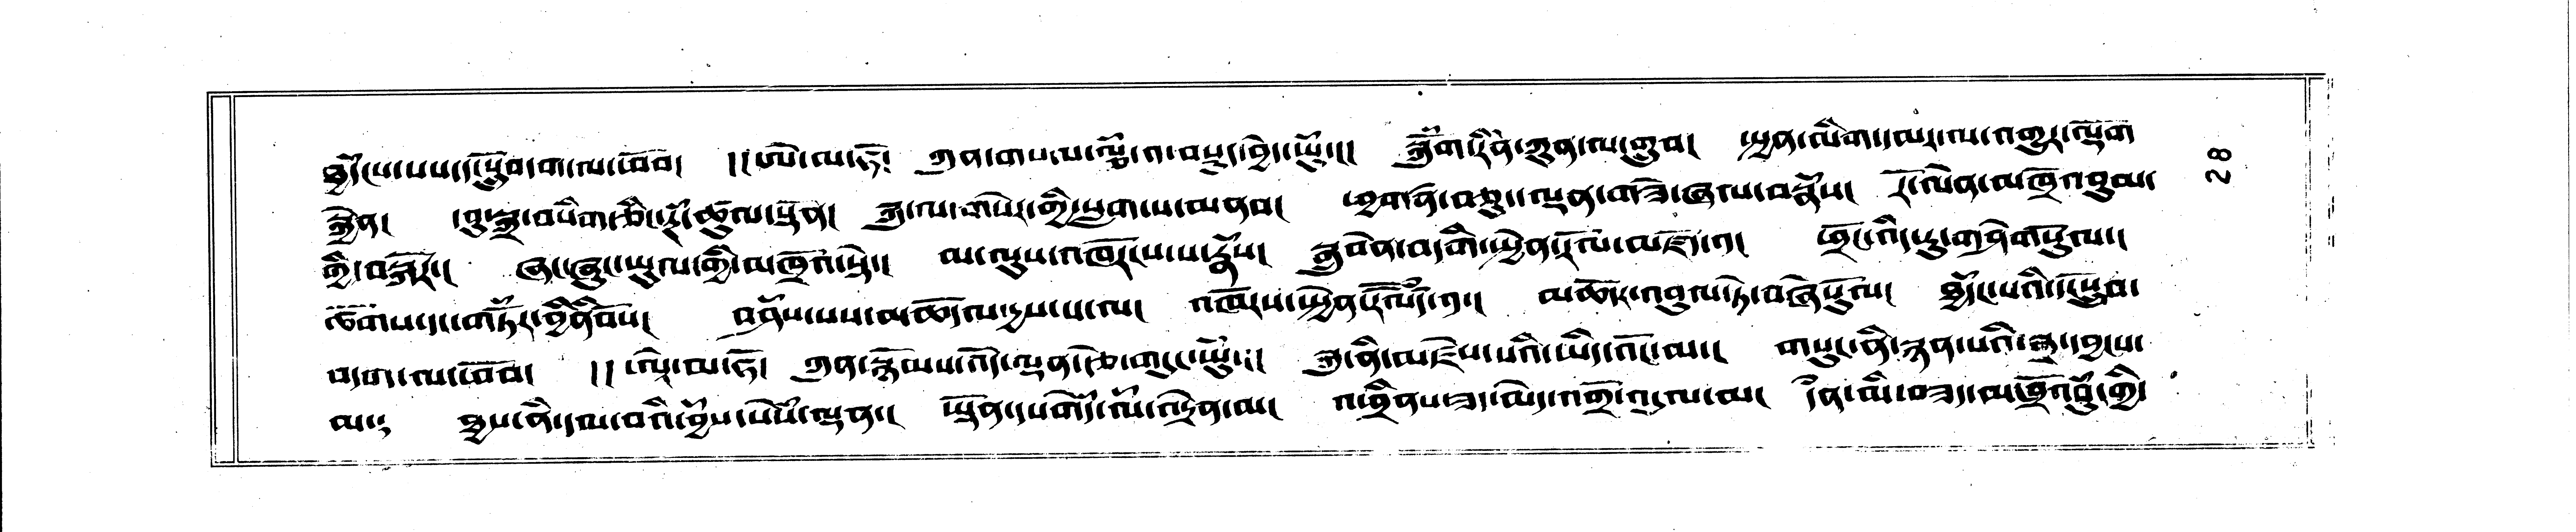ཐུགས་དམ་བསྐངས་པས་དངོས་གྲུབ་བདག་ལ་ཕོབ།། །།ཨེ་མ་ཧོ། ཀུན་གསལ་ལྕམ་གཅིག་སྡུད་བྱེད་ཡུམ། སྐུ་མདོག་རིན་ཆེན་ཀུན་ལ་གྲུབ། སྤྱན་མིག་དམར་ལ་འགྱུར་ལྡོག་
སྐྱེན། དབུ་སྐྲ་བསིག་ཅིང་རྔམ་ཚུལ་སྟོན། སྐུ་ལ་གསེར་གྱི་སླག་པ་མནབ། ཕྱག་མཚན་བཅུད་ལྡན་གཟེད་ཞལ་བསྣམས། རོ་ལེན་མཁའ་འགྲོ་འབུམ་
གྱིས་བསྐོར། ཞང་ཞུང་ཡུལ་གྱི་མཁའ་འགྲོ་སྟེ། མ་ལུས་འཁོར་དང་བཅས་པ་རྣམས། སྒྲུབ་ཆེན་བདག་གིས་སྤྱན་འདྲེན་རོལ་མཛོད་ཅིག ཕོ་བྲང་འདི་རུ་གཤེགས་སུ་གསོལ།
ཚོགས་དང་གཏོར་མ་བྱིན་གྱིས་རློབས། བཤམས་པས་མཆོད་འབུལ་རྒྱས་པ་ལ། འཁོར་བཅས་སྤྱན་འདྲེན་རོལ་མཛོད་ཅིག མཆོད་པར་འབུལ་ཏེ་བཞེས་སུ་གསོལ། ཐུགས་གྲུབ་
བདག་ལ་ཕོབ།།།ཨེ་མ་ཧོ། ཀུན་སྙོམས་འོད་ལྡན་རྩེ་གདུང་ཡུམ། སྐུ་ནི་མཛེས་པའི་ཡིད་འོང་མ། གསུང་གི་སྙན་པའི་སྒྲ་དབྱངས་
མ། ཐུགས་ནི་དལ་བའི་བྱམས་སེམས་ལྡན། ཡོན་ཏན་དཔག་མེད་ལམ་འདྲེན་མ། འཕྲིན་ལས་ཟད་མེད་འགྲོ་འདུལ་མ། དམ་ཅན་མི་བཟད་མཁའ་འགྲོ་འབུམ་གྱིས་